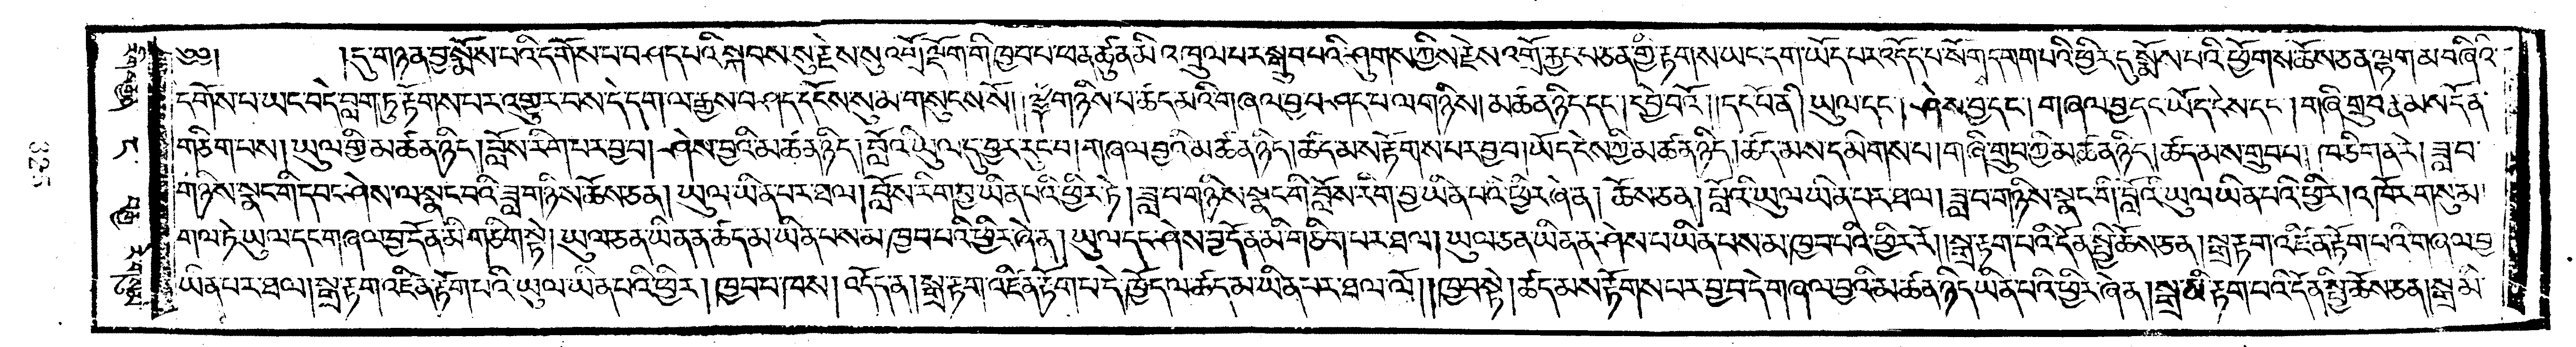༄༅། །དུ་གཉན་?་བྱ་སྨོས་པའི་དགོས་པ་བཤད་པའི་སྐབས་སུ་རྗེས་སུ་འགྲོ་ལྡོག་གི་ཁྱབ་པ་ཕན་ཚུན་མི་འཁྲུལ་བར་སྒྲུབ་པའི་ཤུགས་ཀྱིས་རྗེས་འགྲོ་རྐྱང་པ་ཅན་གྱི་རྟགས་ཡང་དག་ཡོད་པར་འདོད་པ་སོགས་དགག་པའི་ཕྱིར་དུ་སྨོས་པའི་ཕྱོགས་ཆོས་ཅན་ལྷག་མ་བཞིའི་
དགོས་པ་ཡང་བདེ་བླག་ཏུ་རྟོགས་པར་འགྱུར་བས་དེ་དག་ལ་རྒྱས་བཤད་དངོས་སུ་མ་གསུངས་སོ། ། ༈ གཉིས་པ་ཚད་མའི་གཞལ་བྱ་བཤད་པ་ལ་གཉིས། མཚན་ཉིད་དང་། དབྱེ་བའོ། །དང་པོ་ནི། ཡུལ་དང་། ཤེས་བྱ་དང་། གཞལ་བྱ་དང་ཡོད་ངེས་དང་། གཞི་གྲུབ་རྣམས་དོན་
གཅིག་པས། ཡུལ་གྱི་མཚན་ཉིད། བློས་རིག་པར་བྱ་བ། ཤེས་བྱའི་མཚན་ཉིད། བློའི་ཡུལ་དུ་བྱར་རུང་བ། གཞལ་བྱའི་མཚན་ཉིད། ཚད་མས་རྟོགས་པར་བྱ་བ། ཡོད་ངེས་ཀྱི་མཚན་ཉིད། ཚད་མས་དམིགས་པ། གཞི་གྲུབ་ཀྱི་མཚན་ཉིད། ཚད་མས་གྲུབ་པ། ཁ་ཅིག་ན་རེ། ཟླ་བ་
གཉིས་སྣང་གི་དབང་ཤེས་ལ་སྣང་བའི་ཟླ་གཉིས་ཆོས་ཅན། ཡུལ་ཡིན་པར་ཐལ། བློས་རིག་བྱ་ཡིན་པའི་ཕྱིར་ཏེ། ཟླ་བ་གཉིས་སྣང་གི་བློས་རིག་བྱ་ཡིན་པའི་ཕྱིར་ཞེ་ན། ཆོས་ཅན། བློའི་ཡུལ་ཡིན་པར་ཐལ། ཟླ་བ་གཉིས་སྣང་གི་བློའི་ཡུལ་ཡིན་པའི་ཕྱིར། འཁོར་གསུམ།
གལ་ཏེ་ཡུལ་དང་གཞལ་བྱ་དོན་མི་གཅིག་སྟེ། ཡུལ་ཅན་ཡིན་ན་ཚད་མ་ཡིན་པས་མ་ཁྱབ་པའི་ཕྱིར་ཞེ་ན། ཡུལ་དང་ཤེས་བྱ་དོན་མི་གཅིག་པར་ཐལ། ཡུལ་ཅན་ཡིན་ན་ཤེས་པ་ཡིན་པས་མ་ཁྱབ་པའི་ཕྱིར་རོ། །སྒྲ་རྟག་པའི་དོན་སྤྱི་ཆོས་ཅན། སྒྲ་རྟག་འཛིན་རྟོག་པའི་གཞལ་བྱ་
ཡིན་པར་ཐལ། སྒྲ་རྟག་འཛིན་རྟོག་པའི་ཡུལ་ཡིན་པའི་ཕྱིར། ཁྱབ་པ་ཁས། འདོད་ན། སྒྲ་རྟག་འཛིན་རྟོག་པ་དེ་ཁྱོད་ལ་ཚད་མ་ཡིན་པར་ཐལ་ལོ། །ཁྱབ་སྟེ། ཚད་མས་རྟོགས་པར་བྱ་བ་དེ་གཞལ་བྱའི་མཚན་ཉིད་ཡིན་པའི་ཕྱིར་ཞེ་ན། སྒྲ་མི་རྟག་པའི་དོན་སྤྱི་ཆོས་ཅན། སྒྲ་མི་